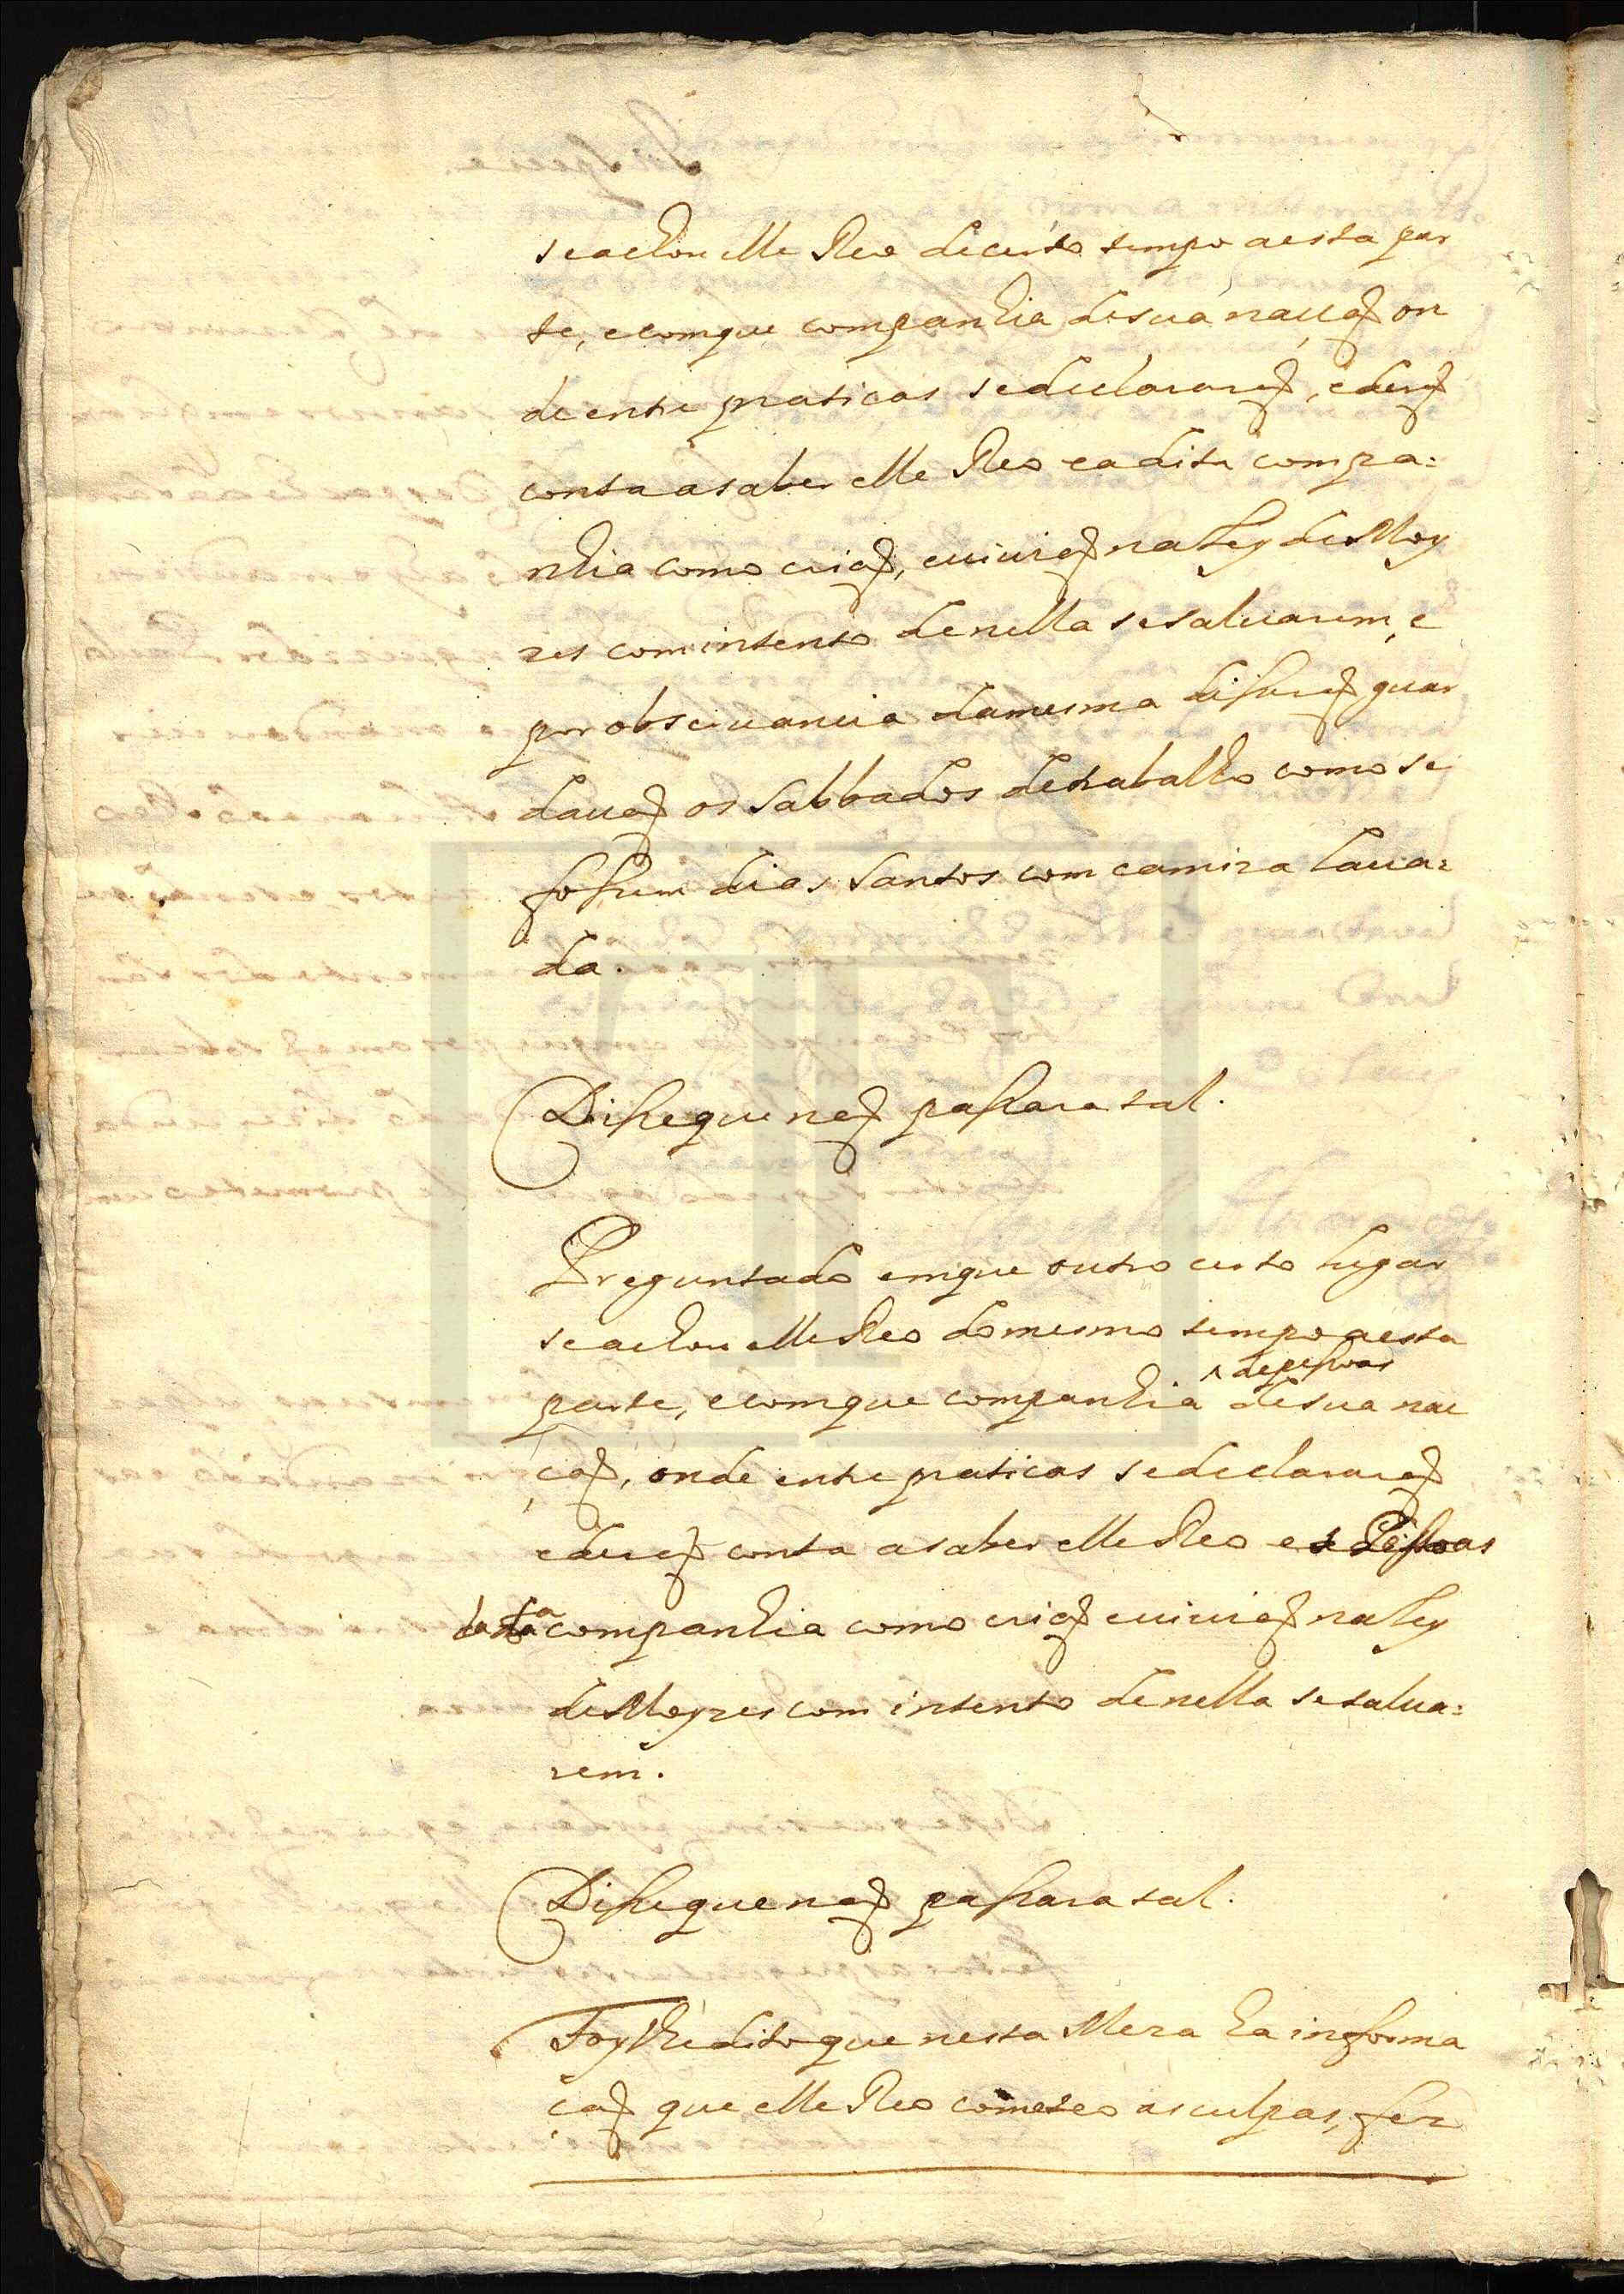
se achou elle Reo de certo tempo a esta par
te, e com que companhia de sua nacçaõ on
de entre praticas se declararaõ, e deraõ
conta a saber elle Reo e a dita compa
nhia como criaõ, e uiuiaõ na Ley de Moy
zes com o intento de nella se saluarem, e
por obseruancia da mesma disseraõ guar
dauaõ os sabbados de trabalho como se
fossem dias santos com camiza laua
da.
Disse que naõ passara tal.
Preguntado em que outro certo lugar
se achou elle Reo do mesmo tempo a esta
de pessoas
parte, e com que companhia de sua nac
çaõ, onde entre praticas se declararaõ
e deraõ conta a saber elle Reo e _ Pessoas
da d̄a companhia como criaõ e uiuiaõ na Ley
de Moyzes com intento de nella se salua
rem.
Disse que naõ passara tal.
Foylhe dito que nesta Meza ha informa
çaõ que elle Reo cometeo as culpas, fez
